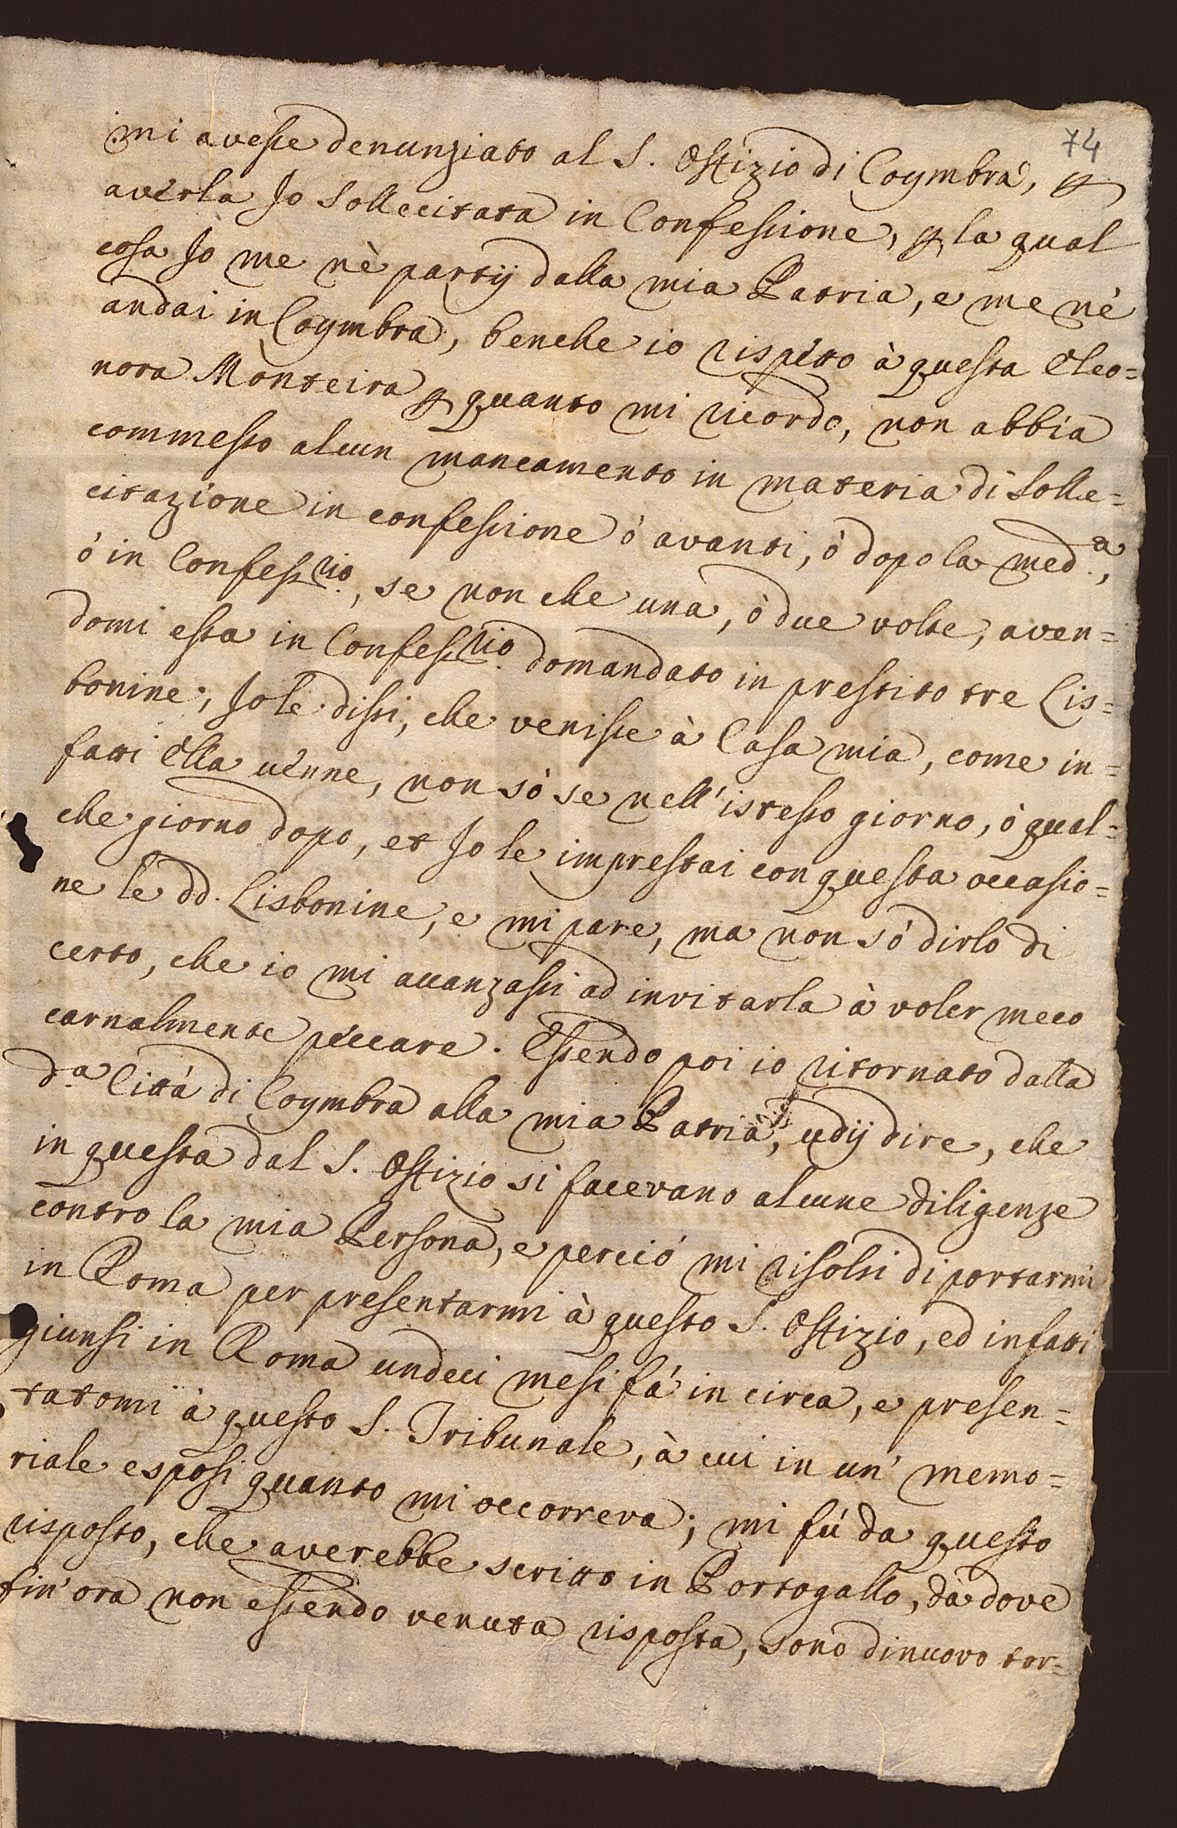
mi avesse denunziato al S. Offizio di Coymbra, ꝑ
auerla Jo sollecitata in Confessione, ꝑ la qual
cosa Jo me né partij dalla mia Patria, e me né
andai in Coymbra, benche io rispetto à questa eLeo
nora Monteira ꝑ quanto mi ricordo, non abbia
commesso alcun mancamento in materia di solle
citazione in confessione ó avanti, ó dopo la med.a,
ó in Confessrio., se non che una, ó due volte, aven
domi essa in Confessrio. domandato in prestito tre Lis
bonine, Jole dissi, che venisse à Casa mia, come in
fatti ella uénne, non só se nell'istesso giorno, ó qual
che giorno dopo , et Jo le imprestai con questa occasio
ne le dd. Lisbonine, e mi pare, ma non só dirlo di
certo, che io mi auanzassi ad invitarla à voler me co
carnalmente péccare. E ssendo poi io ritornato dalla
d.a Cittá di Coymbra alla mia Patria, udij dire, che
in questa dal S. offizio si facevano alcune diligenze
contro la mia Persona, e perció mi risolsi di portarmi
in Roma per presentarmi à questo S. Offizio, ed in fatti
giunsi in Roma undeci mesi fá in circa, e presen
tatomi à questo S. Tribunale, à cui in un' memo
riale esposi quanto mi occorreva; mi fú da questo
risposto, che averebbe scritto in Portogallo, da dove
fin'ora non essendo venuta risposta, sono dinuovo tor
